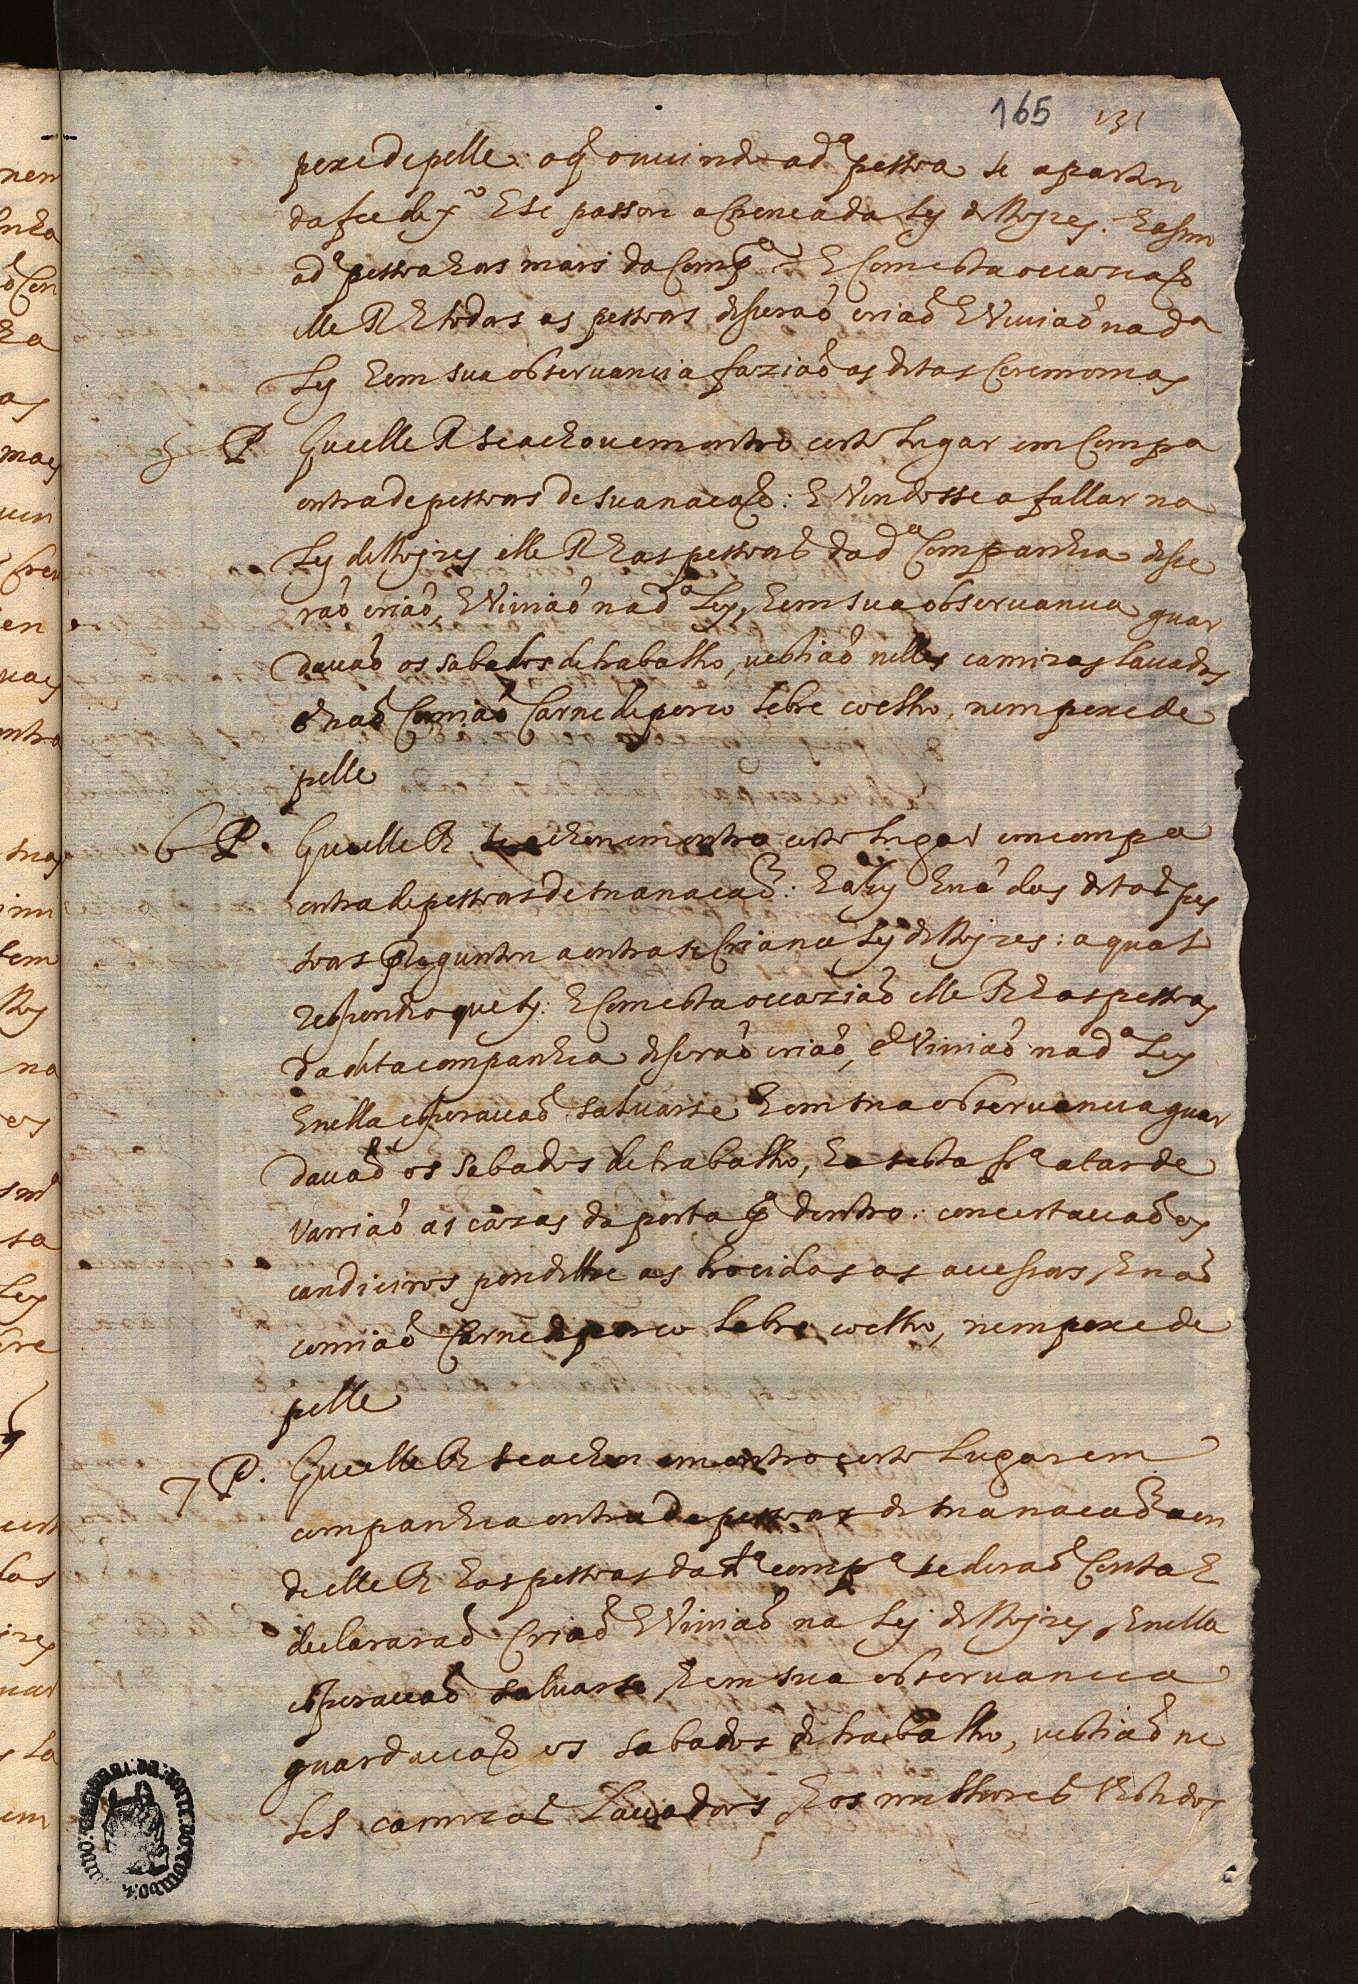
pexe de pelle o q̄ ouuindo a da pessoa se apartou
da fee de xo E se passou a Crença da lej de Mojzes. E asim
a da pessoa E as mais da Compa E Com esta occaziaõ
elle R E todas as pessoas disseraõ criaõ E Viuiaõ na da
Lej E em sua obseruancia faziaõ as ditas Ceremonias
5 P Que elle R se achou em outro certo lugar em Compa
outra de pessoas de sua naçaõ: E Vindosse a fallar na
Lej de Mojzes elle R E as pessoas da da Companhia disse
raõ criaõ, E Viuiaõ na da Ley, E em sua obseruancia guar
dauaõ os sabados de trabalho, uestiaõ nelles camizas lauadas
e naõ Comiaõ Carne de porco lebre coelho, nem pexe de
pelle
6 P. Que elle R se achou em outro certo lugar em compa
outra de pessoas de sua naçaõ: E ahy huā das ditas pes
soas preguntou a outra se Cria na Lej de Mojzes: a qual
respondeo que sy. E Com esta occaziaõ elle R E as pessoas
da dita companhia diseraõ criaõ, e Viuiaõ na da Ley
E nella esperauaõ saluarse E em sua obseruancia guar
dauaõ os sabados de trabalho, E a sesta fra a tarde
varriaõ as cazas da porta pa dentro: concertauaõ os
candieiros pondolhe as trocidas as auessas, E naõ
comiaõ Carne de porco, Lebre, coelho, nem pexe de
pelle
7 P. Que elle R se achou em outro certo Lugar em
companhia outra de pessoas de sua naçaõ aon
de elle R E as pessoas da d̄a compa se deraõ Conta E
declararaõ Criaõ E Viuiaõ na Lej de Mojzes, E nella
esperauaõ saluarse, E em sua obseruancia
guardauaõ os sabados de trabalho, vestiaõ ne
les camizas Lauadas, E os milhores vestidos
